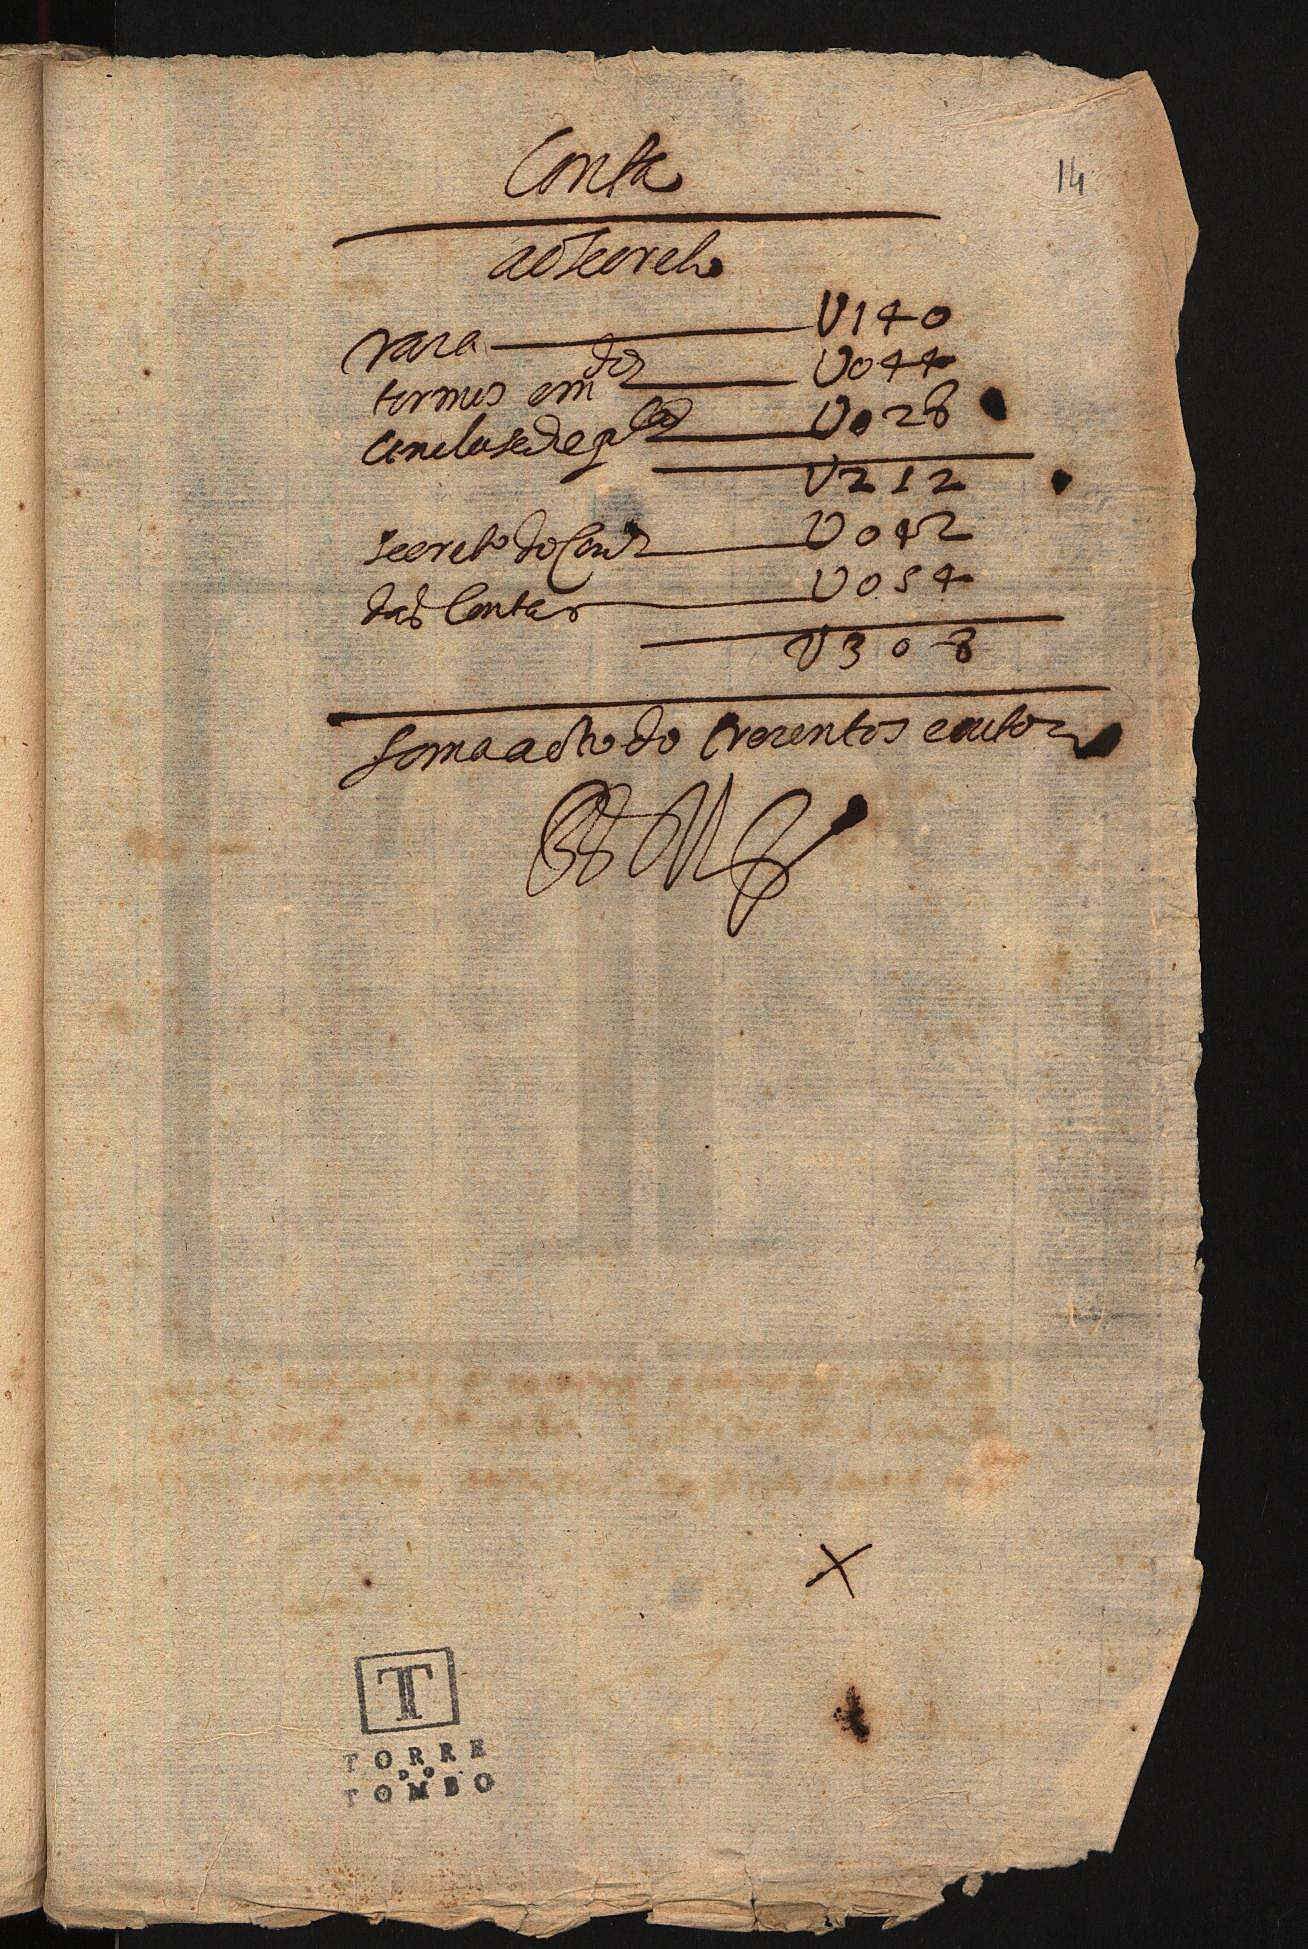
Conta
ao secreto
raza
$140
termos e mdos
$044
conclusos e pcor
$028
$212
secreto do Cons
$042
$054
$308
soma ao todo trezentos e outo
